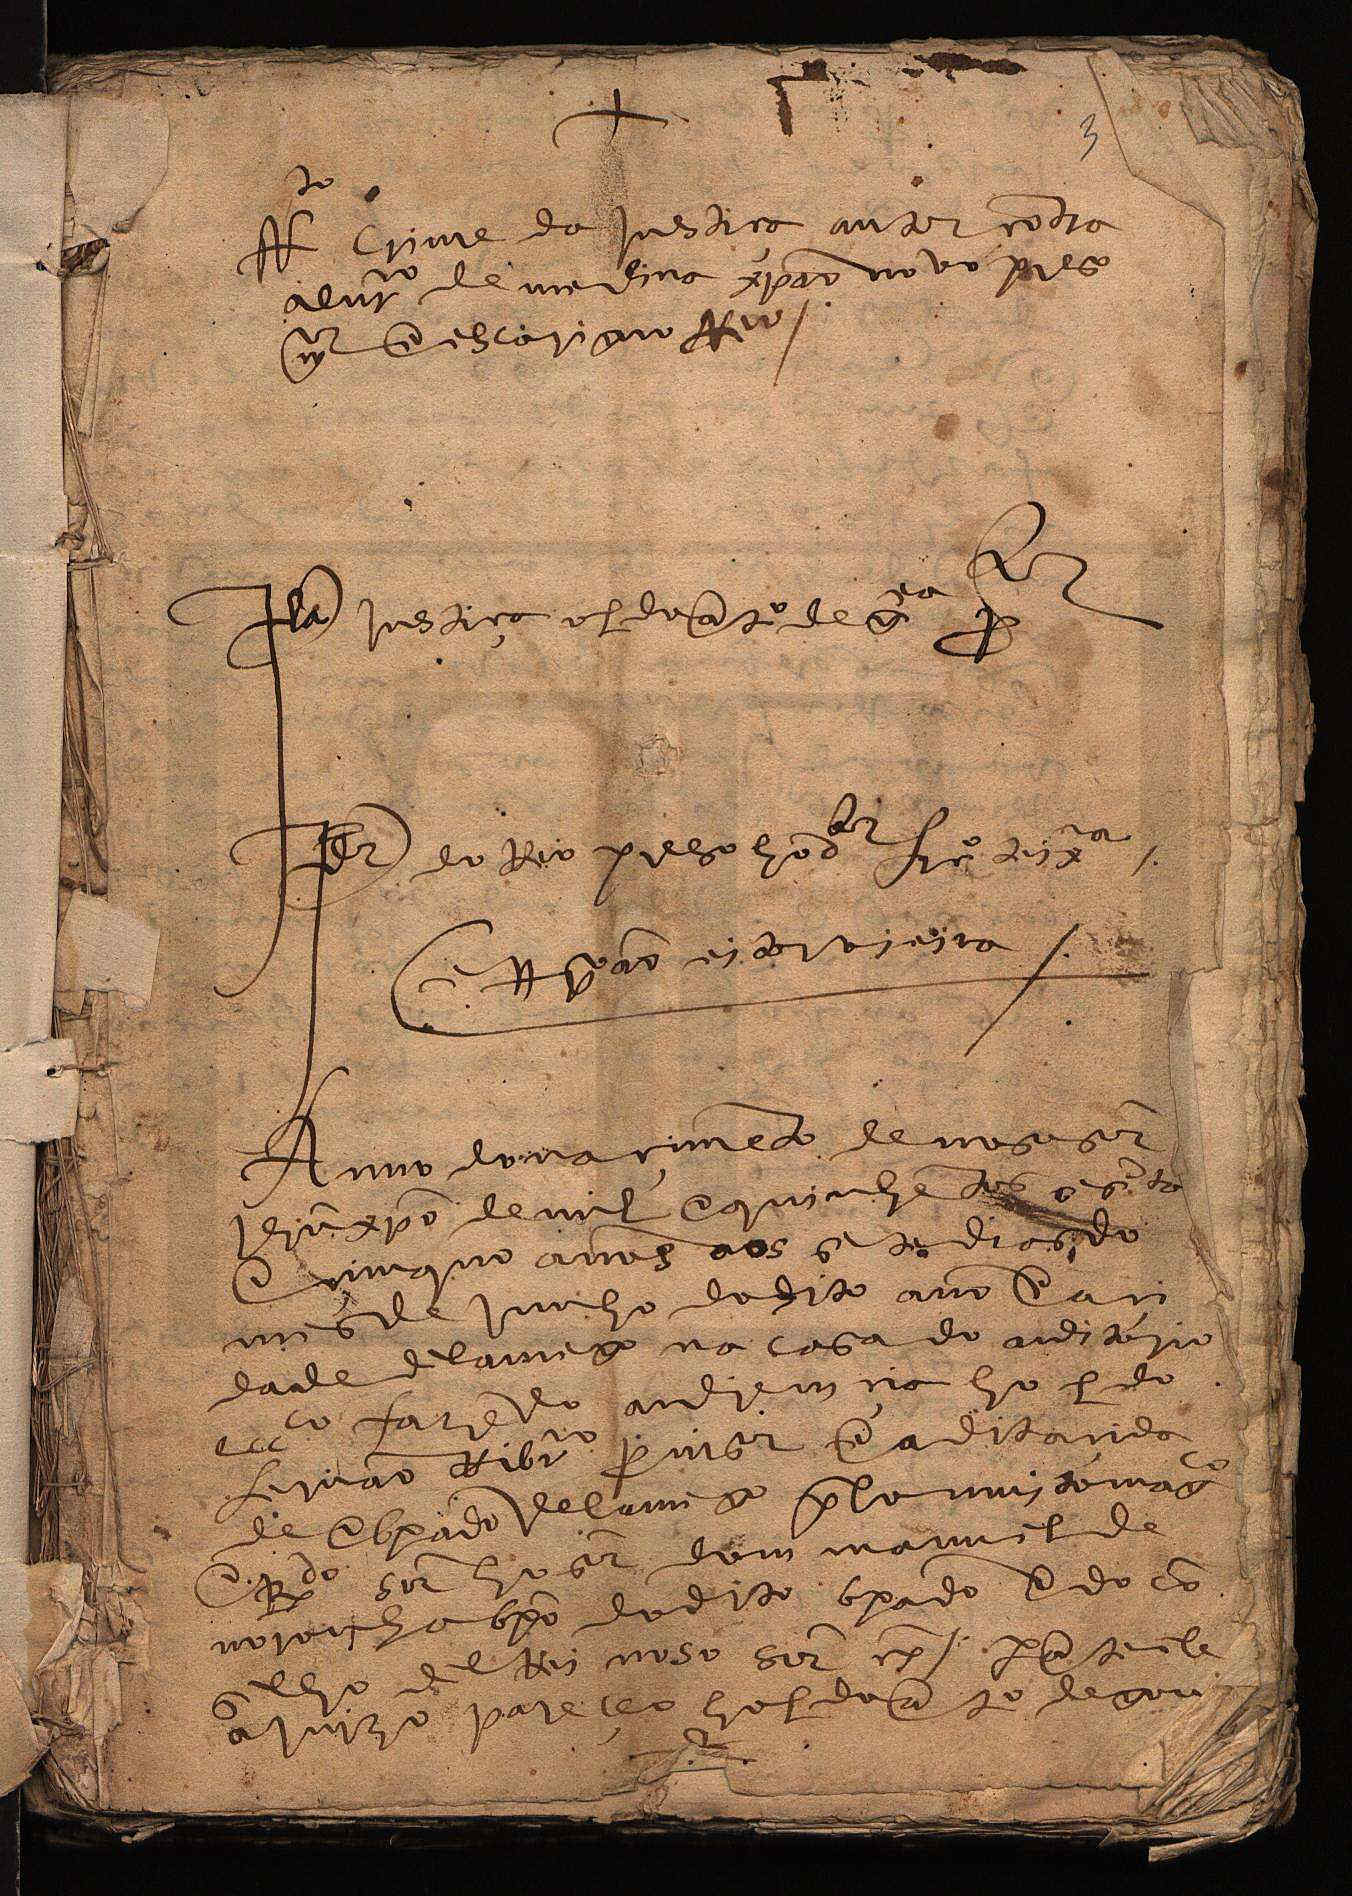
ffto crime da Justiça autor cōtra
alurro de medina xpão novo preso
mor ē escariguo Reo /
Plā Justiça o Ldo āto de gea ꝓtor
Pdōr do Reo preso ho dtor frco teixra /.
estp̄vão ejtor vjejra /.
Anno do naçimēto de noso sor̄
Jhū xpō de mil e quinhētos sesēta
e çimquo an̄os aos sete dias do
mes de Junho do dito anō ē a çi
dade de lamego na casa do auditorio
eccco fazēdo audiemçia ho Ldo
fernão Ribrro ꝓuisor ē a dita çida
de e bpādo de lamego p̄lo mujto magco
e Rdo sor̄ ho sor̄ dom manuel de
noronha bpō do dito bpad̄o e do cō
selho del Rej noso sor̄ c̄ꝭ /. ꝑāte ele
a Juizo pareçeo ho Ldo āto de gou
